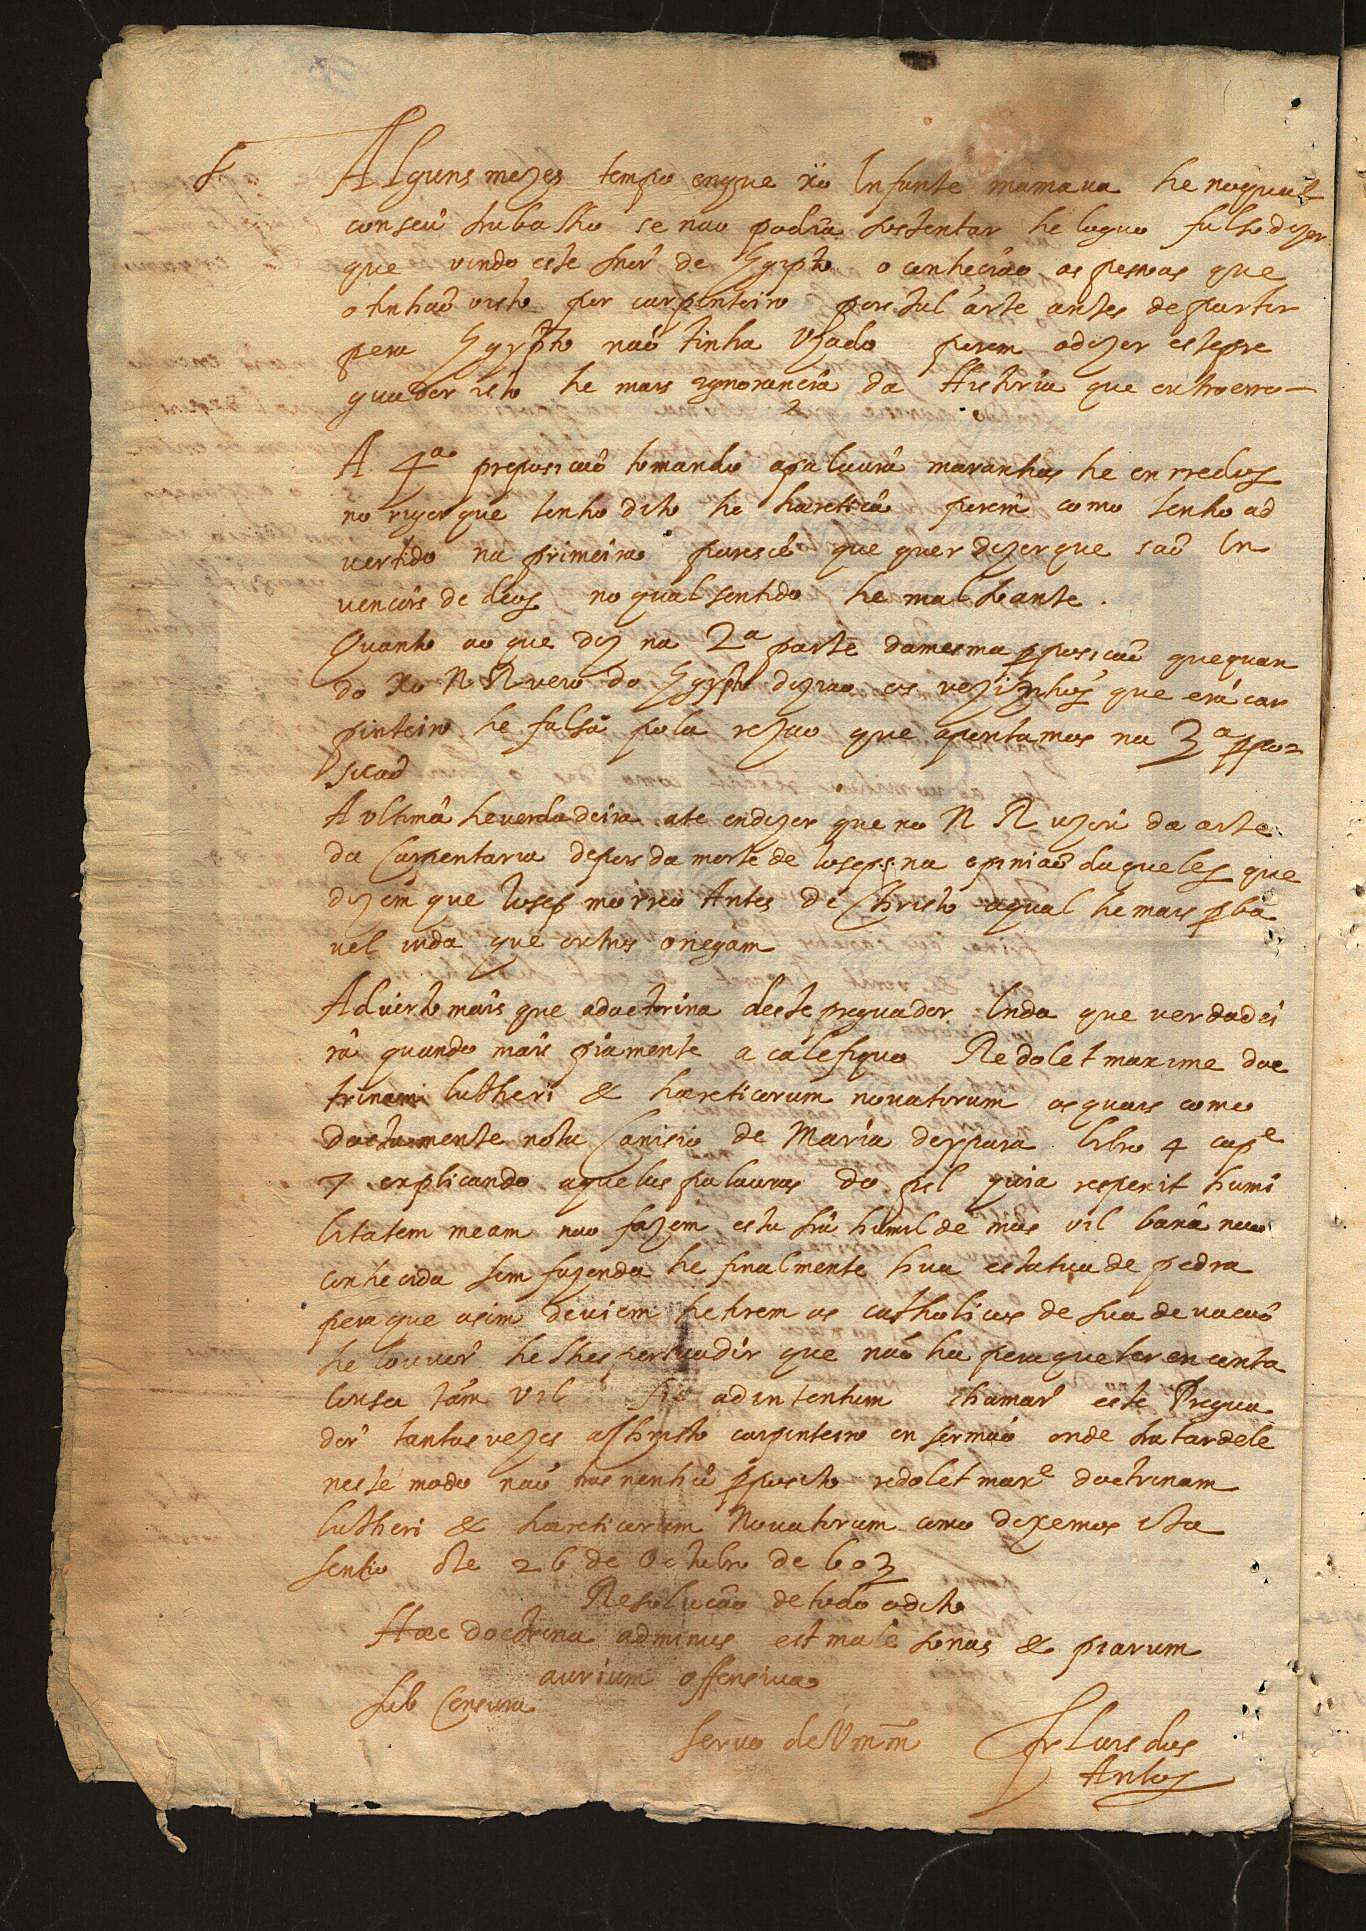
Alguns mezes tempo en que xo Infante mamaua he no qual
con seu trabalho se nao podia sostentar he loguo falso dizer
que vindo este snor̄ de Egipto o conhecião as pessoas que
o tinhaõ visto por carpinteiro por tal arte antes de partir
pera Egypto naõ tinha vzado porem o dizer este pre
guador isto he mais ignorancia da Autoria que outro erro
A 4a preposiçaõ tomando a palaura maranhas he enrredos
no rigor que tenho dito he hæretica porem como tenho ad
uertido na primeira paresce que quer dizer que saõ In
uençoĩs de deos no qual sentido he malsoante.
Quanto ao que diz na 2a parte da mesma ꝓposiçaõ que quan
do Xo N Sr veio do Egypto diziao os uezinhos que era car
pinteiro he falsa pola rezao que apontamos na 3a ꝓpo
siçaõ
A vltima he uerdadeira ate endizer que xo N R uzou da arte
da Carpentaria depois da morte de Ioseph na opiniaõ daqueles que
dizem que Iosep morreo Antes de Christo a qual he mais ꝓba
uel inda que outros o negam
Aduirto mais que a doctrina deste preguador Inda que uerdadei
ra quando mais piamente a calefiquo Redolet maxime doc
trinam lutheri & hæreticorum nouatorum as quais como
doctamente notu Canisio de Maria de ypara libro 4 cape
7 explicando aquelas palauras do pel quia respexit humi
litatem meam nao fazem esta srā humilde mas vil bana reco
conhecida sem fazenda he finalmente hua estatua de pedra
pera que asim deuiem he tirem os catholicos de sua deuoçaõ
he louuor he lhes persuadir que naõ ha pera que ter em conta
cousa tam vil Sic ad intentum chamar este Pregua
dor tantas uezes a Christo carpinteiro en sermaõ onde tratar dele
neste modo naõ tras nenhū ꝓposito redalet maxe doctrinam
lutheri & hæreticarum nouatorum como dixemos ita
sentio oIe 26 de Octubro de 603
Resolução de todo o dito
Hæc doctrina ad minus est male sonus & piarum
aurium offensiua
Sub Censura
Seruo de V mm̄
Fr Luis dos
AnIos
